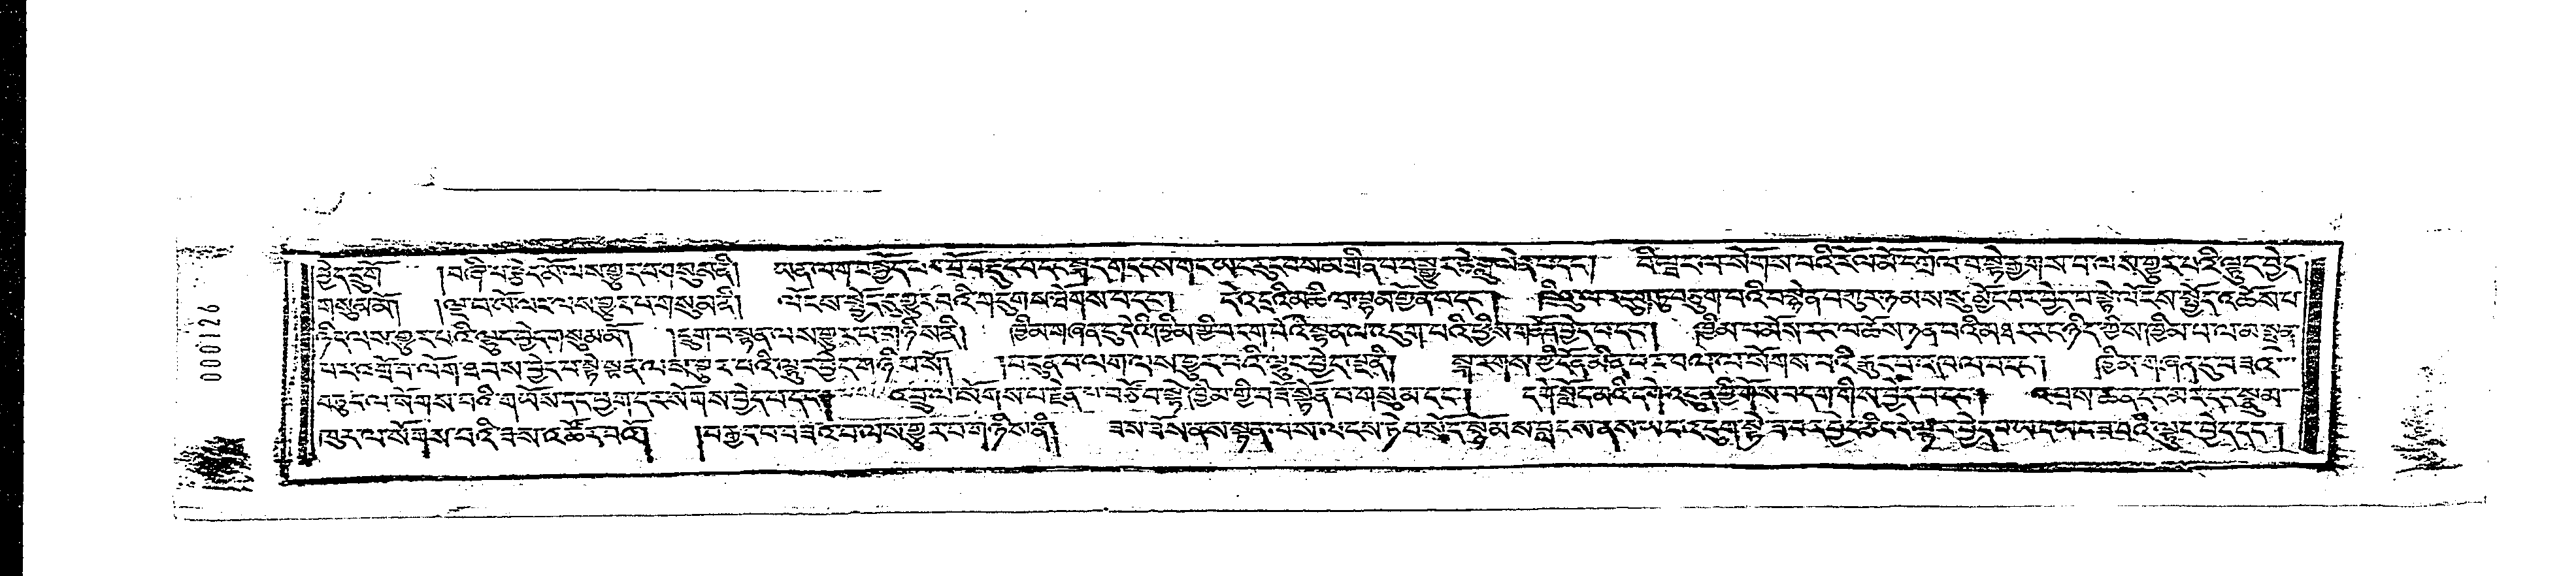བྱེད་དྲུག་གོ །བཞི་པ་རྩེད་མོ་ལས་གྱུར་པ་གསུམ་ནི། ཡན་ལག་བསྐྱོད་པ་བྲོ་བརྡུང་བ་དང་སྐད་གདངས་གང་ཡང་རུང་བས་མགྲིན་པ་བསྒྱུར་ཏེ་བླུ་ལེན་པ་དང་། བི་ཝང་ལ་སོགས་པའི་རོལ་མོ་དགྲོལ་བ་སྟེ་རྒྱགས་པ་ལས་གྱུར་པའི་ལྟུང་བྱེད་
གསུམ་མོ། །ལྔ་བ་ཡོ་ལང་ལས་གྱུར་པ་གསུམ་ནི། ལོངས་སྤྱོད་དུ་གྱུར་བའི་གདུགས་ཐོགས་པ་དང་། དེ་འདྲའི་མཆིལ་ལྷམ་གྱོན་པ་དང་། །བྲིའུ་ལ་འདུག་ཏུ་བཅུག་པའི་བསྙེན་བཀུར་ཉམས་སུ་མྱོང་བར་བྱེད་པ་སྟེ་ལོངས་སྤྱོད་འཆོས་པ་
ཉིད་ལས་གྱུར་པའི་ལྟུང་བྱེད་གསུམ་མོ། །དྲུག་བསྟན་ལས་གྱུར་པ་གཉིས་ནི། ཁྱིམ་གཞན་དུ་དེའི་ཁྱིམ་གྱི་བདག་པོའི་བསྟན་ལ་འདུག་པའི་ཕྱིས་གནོན་བྱེད་པ་དང་། ཁྱིམ་པ་མོས་རང་ལ་ཆོས་ཉན་པའི་མཐར་རང་ཉིད་ཀྱིས་ཁྱིམ་པ་ལ་མ་སྤྲན་
པར་འགྲོ་བ་ལོག་ཐབས་བྱེད་པ་སྟེ་སྟན་ལས་གྱུར་པའི་ལྟུང་བྱེད་གཉིས་སོ། །བདུན་པ་ལག་ལས་གྱུར་པའི་ལྟུང་བྱེད་ལྔ་ནི། སྐ་རགས་ཀྱི་དོན་མིན་པར་བལ་ལ་སོགས་པའི་རྒུད་བ་འཁལ་བ་དང་། ཁྱིམ་གཞན་དུ་བཟའ་
བཏུང་ལ་སོགས་པའི་གཡོས་དང་ཕྱག་དར་སོགས་བྱེད་པ་དང་། འབྲུ་ལ་སོགས་པ་རྗེན་པ་བཙོ་བ་སྟེ་ཁྱིམ་གྱི་བཟོ་སྟོན་པ་གསུམ་དང་། དགེ་སློང་མའི་དགེ་འདུན་གྱི་གོས་བདག་གིས་བྱེད་པ་དང་། འབྲས་ཆན་དང་མར་དང་སྣུམ་
ཁུར་ལ་སོགས་པའི་ཟས་འཚོར་བའོ། །བརྒྱད་པ་བཟའ་བ་ལས་གྱུར་པ་གཉིས་ནི། ཟས་ཟོས་ནས་སྟན་ལས་ལངས་ཏེ་བསོད་སྙོམས་བླངས་ནས་ཡང་འདུག་སྟེ་ཟ་བར་བྱེད་ཅིང་དེ་ལྟར་བྱེད་པ་ཡང་ཡང་ཟ་བའི་ལྟུང་བྱེད་དང་།